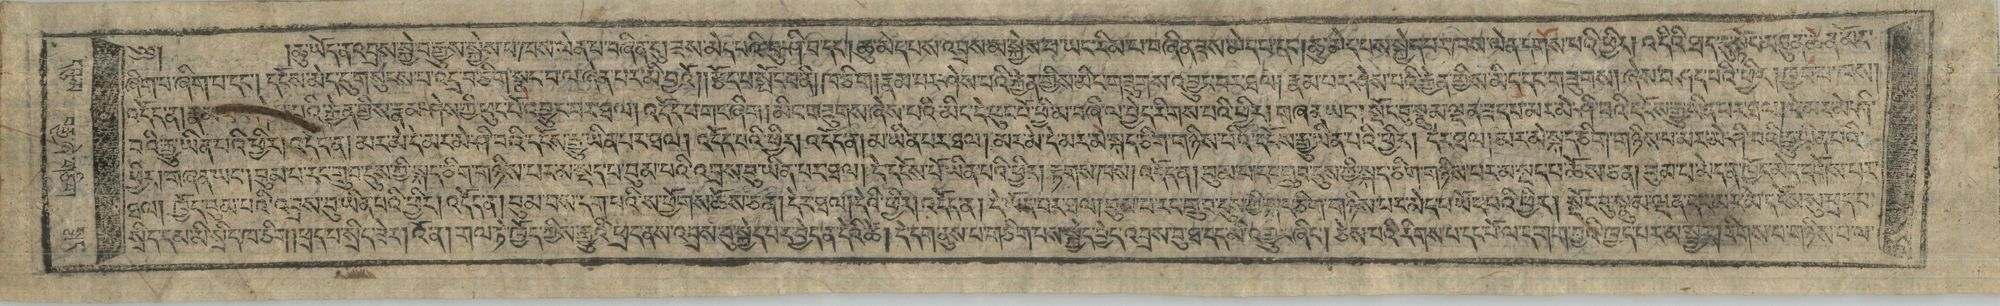༄༅། །ཆུ་ཡོད་ན་འབྲས་སྐྱེ་བ་རྒྱུས་སྐྱེས་པ་ཁས་ལེན་པ་བཞིན་དུ། ཟས་མེད་པའི་བུ་ཤི་བ་དང་། ཆུ་མེད་པས་འབྲས་མ་སྐྱེས་པ་ཡང་རིམ་པ་བཞིན་ཟས་མེད་པ་དང་། ཆུ་མེད་པས་སྐྱེད་པར་ཁས་ལེན་དགོས་པའི་ཕྱིར། འདིའི་ཐད་དུ་སྟོང་མཐུན་ཆེན་མོར་
ཞིག་པ་ཞིག་པ་དང་། དངོས་མེད་དུ་གསུངས་པ་འདྲ་བ་ཅིག་སྣང་བ་ལ་ཞེན་པར་མི་བྱའོ། །རྩོད་པ་སྤོང་བ་ནི། ཁ་ཅིག །རྣམ་པར་ཤེས་པའི་རྐྱེན་གྱིས་མིང་གཟུགས་འབྱུང་བར་ཐལ། རྣམ་པར་ཤེས་པའི་རྐྱེན་གྱིས་མིང་དང་གཟུགས། ཞེས་བཤད་པའི་ཕྱིར། ཁྱབ་པ་ཁས།
འདོད་ན། རྣམ་པར་ཤེས་པའི་རྐྱེན་གྱིས་རྣམ་ཤེས་ཀྱི་ཕུང་པོ་འབྱུང་བར་ཐལ། འདོད་པ་གང་ཞིག །མིང་གཟུགས་ཞེས་པའི་མིང་དེ་ཕུང་བོ་ཕྱི་མ་བཞི་ལ་བྱེད་རིགས་པའི་ཕྱིར། གཞན་ཡང་། སྡོང་བུ་སྣུམ་ལྡན་ཟད་པ་མར་མེ་ཤི་བའི་དངོས་རྒྱུ་ཡིན་པར་ཐལ། དེ་མར་མེ་ཤི་
བའི་རྒྱུ་ཡིན་པའི་ཕྱིར། འདོད་ན། མར་མེ་དེ་མང་མེ་ཤི་བའི་དངོས་རྒྱུ་ཡིན་པར་ཐལ། འདོད་པའི་ཕྱིར། འདོད་ན། མ་ཡིན་པར་ཐལ། མར་མེ་དེ་མར་མེ་སྐད་ཅིག་གཉིས་པའི་དངོས་རྒྱུ་ཡིན་པའི་ཕྱིར། དེར་ཐལ། མར་མེ་སྐད་ཅིག་གཉིས་པ་མར་མེ་ཤི་བའི་རྒྱུ་ཡིན་པའི་
ཕྱིར། གཞན་ཡང་། བུམ་པ་རང་གྲུབ་དུས་ཀྱི་སྐད་ཅིག་གཉིས་པར་མ་སྡདཔ་བུམ་པའི་འབྲས་བུ་ཡིན་པར་ཐལ། དེ་དངོས་པོ་ཡིན་པའི་ཕྱིར། རྟགས་ཁས། འདོད་ན། བུམ་པ་རང་གྲུབ་དུས་ཀྱི་སྐད་ཅིག་གཉིས་པར་མ་སྡདཔ་ཆོས་ཅན། བུམ་པ་མེད་ན་ཁྱོད་མེད་དགོས་པར་
ཐལ། ཁྱོད་བུམ་པའི་འབྲས་བུ་ཡིན་པའི་ཕྱིར། འདོད་ན། བུམ་བས་དག་པའི་ས་ཕྱོགས་ཆོས་ཅན། དེར་ཐལ། དེའི་ཕྱིར། འདོད་ན། དེ་ཡོད་པར་ཐལ། བུམ་པ་རང་གྲུབ་དུས་ཀྱི་སྐད་ཅིག་གཉིས་པར་མེད་པ་ཡོད་པའི་ཕྱིར། སྡོང་བུ་སྣུམ་ལྡན་དང་མར་མེ་དངོས་སུ་ཕྲད་པ་
སྲིད་དམ་མི་སྲིད་ཁ་ཅིག །ཕྲད་པ་སྲིད་ཟེར། འོ་ན། གལ་ཏེ་ཁྱོད་ཀྱིས་རྒྱུའི་ཕྲད་ནས་འབྲས་བུ་སྐྱེད་པར་བྱེད་ན་དེའི་ཚེ། དེ་དག་ནུས་པ་གཅིག་པས་སྐྱེད་བྱེད་འབྲས་བུ་ཐ་དད་མི་འགྱུར་ཞིང་། ཅེས་པའི་རིགས་པ་དང་པོ་ལ་དགག་བྱའི་ཁྱད་པར་མ་སྦྱར། རིགས་པ་གཉིས་པ་ལ་